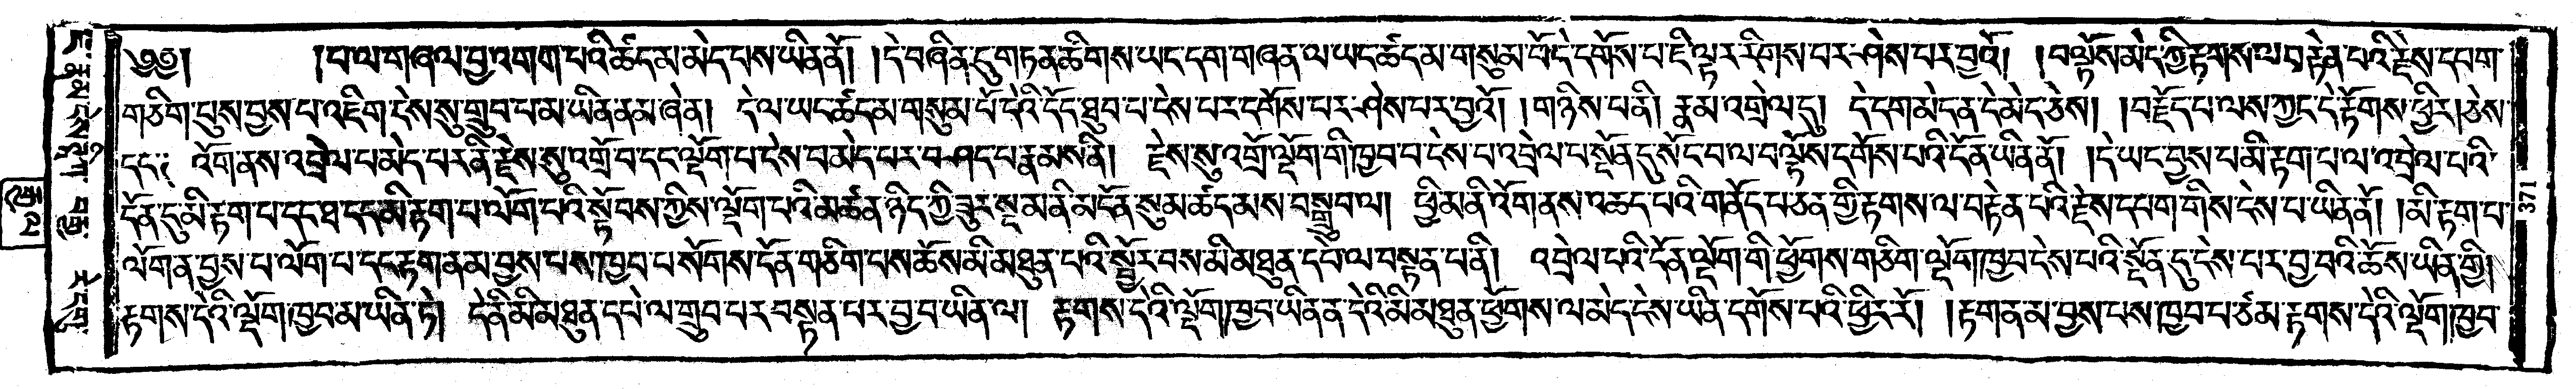༄༅། །པ་ལ་གཞལ་བྱ་འགག་པའི་ཚད་མ་མེད་པས་ཡིན་ནོ། །དེ་བཞིན་དུ་གཏན་ཚིགས་ཡང་དག་གཞན་ལ་ཡང་ཚད་མ་གསུམ་པོ་དེ་དགོས་པ་ཇི་ལྟར་རིགས་པར་ཤེས་པར་བྱའོ། །བལྟོས་མེད་ཀྱི་རྟགས་ལ་བརྟེན་པའི་རྗེས་དཔག་
གཅིག་པུས་བྱས་པ་འཇིག་ངེས་སུ་གྲུབ་པ་མ་ཡིན་ནམ་ཞེ་ན། དེ་ལ་ཡང་ཚད་མ་གསུམ་པོ་དེའི་དོད་ཐུབ་པ་ངེས་པར་དགོས་པར་ཤེས་པར་བྱའོ། །གཉིས་པ་ནི། རྣམ་འགྲེལ་དུ། དེ་དག་མེད་ན་དེ་མེད་ཅེས། །བརྗོད་པ་ལས་ཀྱང་དེ་རྟོགས་ཕྱིར། ཅེས་
དང་། འོག་ནས་འབྲེལ་པ་མེད་པར་ནི་རྗེས་སུ་འགྲོ་བ་དང་ལྡོག་པ་ངེས་པ་མེད་པར་བཤད་པ་རྣམས་ནི། རྗེས་སུ་འགྲོ་ལྡོག་གི་ཁྱབ་པ་ངེས་པ་འབྲེལ་པ་སྔོན་དུ་སོང་བ་ལ་བལྟོས་དགོས་པའི་དོན་ཡིན་ནོ། །དེ་ཡང་བྱས་པ་མི་རྟག་པ་ལ་འབྲེལ་པའི་
དོན་དུ་མི་རྟག་པ་དང་ཐ་དད་མི་རྟག་པ་ལོག་པའི་སྟོབས་ཀྱིས་ལྡོག་པའི་མཚན་ཉིད་ཀྱི་ཟུར་སྔ་མ་ནི་མངོན་སུམ་ཚད་མས་བསྒྲུབ་ལ། ཕྱི་མ་ནི་འོག་ནས་འཆད་པའི་གནོད་པ་ཅན་གྱི་རྟགས་ལ་བརྟེན་པའི་རྗེས་དཔག་གིས་ངེས་པ་ཡིན་ནོ། །མི་རྟག་པ་
ལོག་ན་བྱས་པ་ལོག་པ་དང་རྟག་ན་མ་བྱས་པས་ཁྱབ་པ་སོགས་དོན་གཅིག་པས་ཆོས་མི་མཐུན་པའི་སྦྱོར་བས་མི་མཐུན་དཔེ་ལ་བསྟན་པ་ནི། འབྲེལ་པའི་དོན་ལྡོག་གི་ཕྱོགས་གཅིག་ལྡོག་ཁྱབ་ངེས་པའི་སྔོན་དུ་ངེས་པར་བྱ་བའི་ཆོས་ཡིན་གྱི།
རྟགས་དེའི་ལྡོག་ཁྱབ་མ་ཡིན་ཏེ། དེ་ནི་མི་མཐུན་དཔེ་ལ་གྲུབ་པར་བསྟན་པར་བྱ་བ་ཡིན་ལ། རྟགས་དེའི་ལྡོག་ཁྱབ་ཡིན་ན་དེའི་མི་མཐུན་ཕྱོགས་ལ་མེད་ངེས་ཡིན་དགོས་པའི་ཕྱིར་རོ། །རྟག་ན་མ་བྱས་པས་ཁྱབ་པ་ཙམ་རྟགས་དེའི་ལྡོག་ཁྱབ་